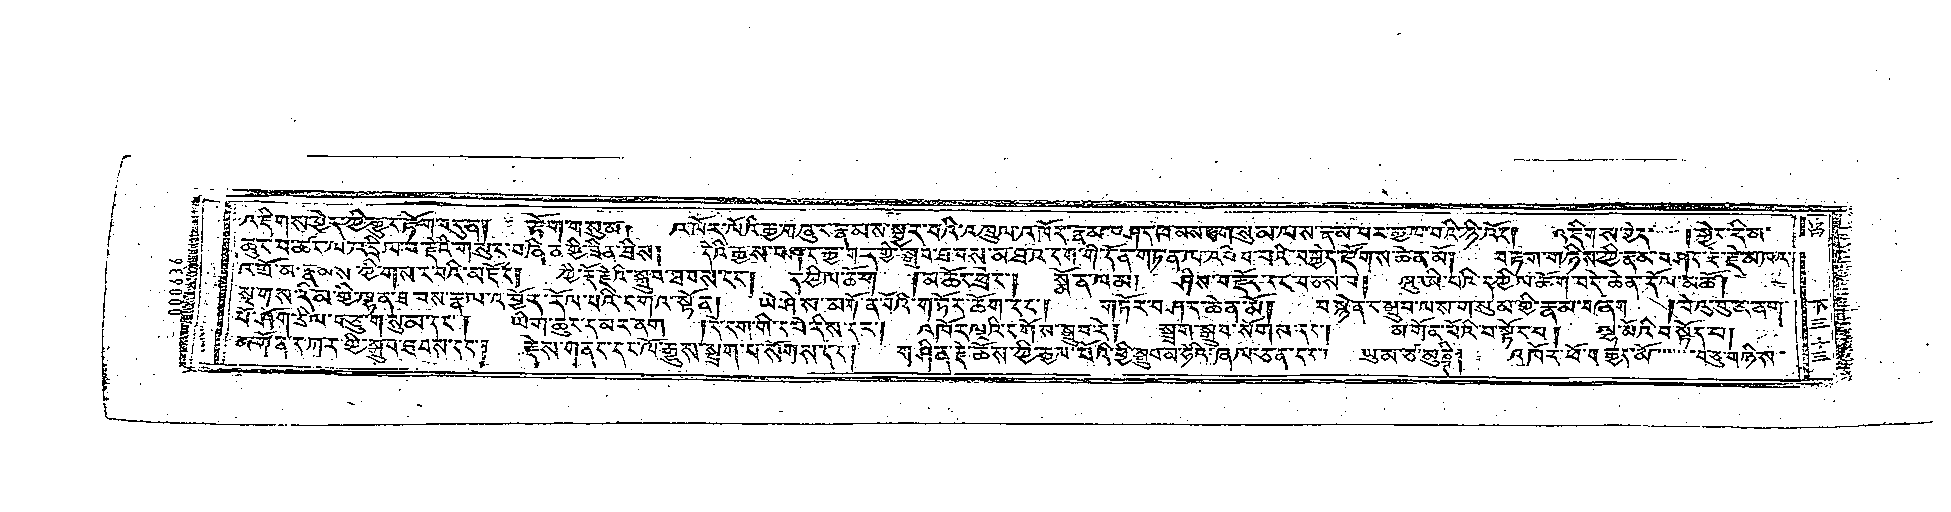འཇིགས་བྱེད་ཀྱི་རྒྱུར་རྟོག་བདུན། རྟོག་གསུམ། འཁོར་ལོའི་རྒྱ་གཞུང་རྣམས་སྦྱར་བའི་འཁྲུལ་འཁོར་རྣམ་བཤད་ཁམས་གསུམ་ལས་རྣམ་པར་རྒྱལ་བའི་ཉི་འོད། འཇིགས་བྱེད་།སྐྱེད་རིམ་
ཆུང་བ་ཚང་ལ་འདྲིལ་བ་རྗེའི་གསུང་བཞིན་གྱི་ཟིན་བྲིས། དེའི་རྒྱས་བཤད་རྒྱ་གར་གྱི་སྒྲུབ་ཐབས་མཐའ་དག་གི་དོན་གཏན་ལ་འབིབ་པའི་བསྐྱེད་རྫོགས་ཆེན་མོ། བརྟག་གཉིས་ཀྱི་རྣམ་བཤད་རྡོ་རྗེ་མཁའ་
འགྲོ་མ་རྣམས་ཀྱི་གསང་བའི་མཛོད། ཀྱཻ་རྡོ་རྗེའི་སྒྲུབ་ཐབས་དང་། དཀྱིལ་ཆོག །མཆོད་ཕྲེང་། སྨོན་ལམ། ཤིས་བརྗོད་དང་བཅས་པ། ལྦུ་ཨི་པའི་དཀྱིལ་ཆོག་བདེ་ཆེན་རོལ་མཚོ།
སྔགས་རིམ་གྱི་ལྷན་ཐབས་རྣལ་འབྱོར་རོལ་པའི་དགའ་སྟོན། ཡེ་ཤེས་མགོན་པོའི་གཏོར་ཆོག་དང་། གཏོར་བཤང་ཆེན་མོ། བསྙེན་ང་སྒྲུབ་ལས་གསུམ་གྱི་རྣམ་བཞག །བེའུ་བུམ་ནག་
པོ་ཤོག་དྲིལ་བཅུ་གསུམ་དང་། ཡིག་ཆུང་དམར་ནག །དེ་དག་གི་དཔེ་རིས་དང་། འཁོར་ལྔའི་དགོས་སྒྲུབ་རེ། སྦྲག་སྒྲུབ་སོགས་དང་། མགོན་པོའི་བ་སྟོང་པ། ལྷ་མོའི་བསྟོད་པ།
མགོན་དཀར་གྱི་སྒྲུབ་ཐབས་དང་། རྗེས་གནང་དང་ལོ་རྒྱུས་སྤྲག་པ་སོགས་དང་། གཤིན་རྗེ་ཆོས་ཀྱི་རྒྱལ་པོའི་ཕྱི་སྒྲུབ་མ་ཧེའི་ཞལ་ཅན་དང་། ཡུམ་ཙ་མུཎྜི། འཁོར་ཕོ་བརྒྱད་མོ་བཅུ་གཉིས་